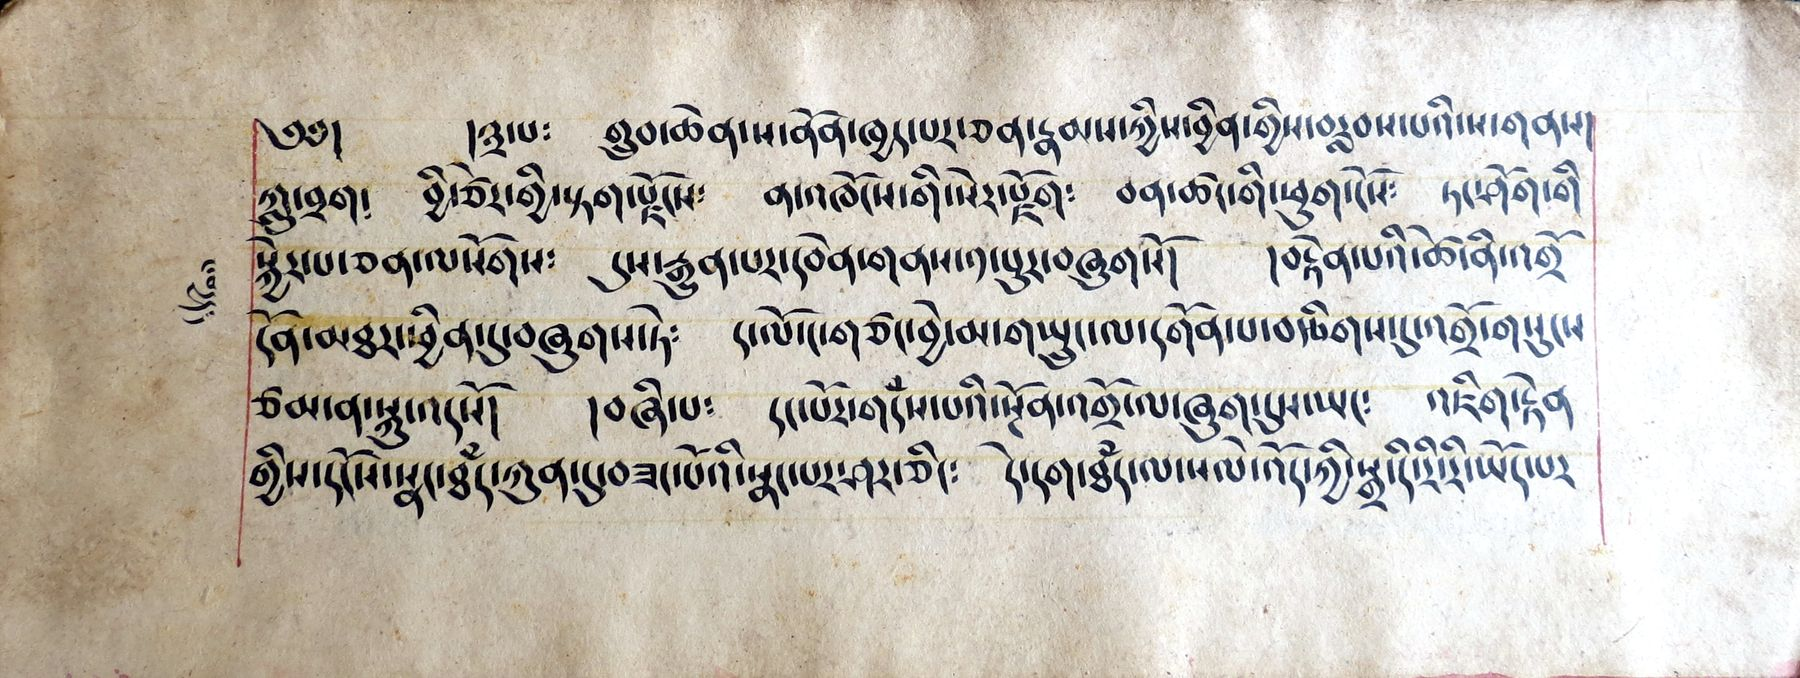གསུམ་པ་གྲུབ་ཆེན་ས་ནོན་ཁྱད་པར་ཅན་རྣམས་ཀྱིས་བྱིན་གྱིས་བརླབས་པའི་ས་གནས་
ཀླུ་བྲག བྱི་ཙེར་གྱི་སྟག་རྫོང། ན་འཁོངས་གི་སེར་རྫོག༼བཙོག༽ བན་ཚང་གི་ཕུག་ངོས། ཏང་ཤོག་གི་
སྐྱེར་པ་ཅན་ལས་སོགས། དུས་རྒྱུན་པར་དབེན་གནས་གཅིག་པུར་བཞུགས་སོ། །བརྟེན་པའི་ཚེ་ནི་འགྲོ་
དོན་མཐར་ཕྱིན་དུ་བཞུགས་སོ། །ད་ལོ་ང་གཙང་བྱེ་མ་གཡུང་དྲུང་དུ་དགོན་པ་བརྩིག་ཏུ་འགྲོ་གསུངས་
ཙམ་ན་སྐུ་འདས་སོ། །བཞི་པ་གདམས་པའི་སྔོན་འགྲོ་ལ་ཞུགས་དུས་ཀྱང་། འཇིག་རྟེན་
ཀྱི་དངོས་སྣང་ཐམས་ཅད་ཀུན་ཏུ་བཟང་པོའི་སྣང་བ་ཤར་ཅིང་། དེ་དག་ཐམས་ཅད་སལེ་འོད་ཀྱི་སྒྲ་དི་རི་རི་ཡོད་པར་